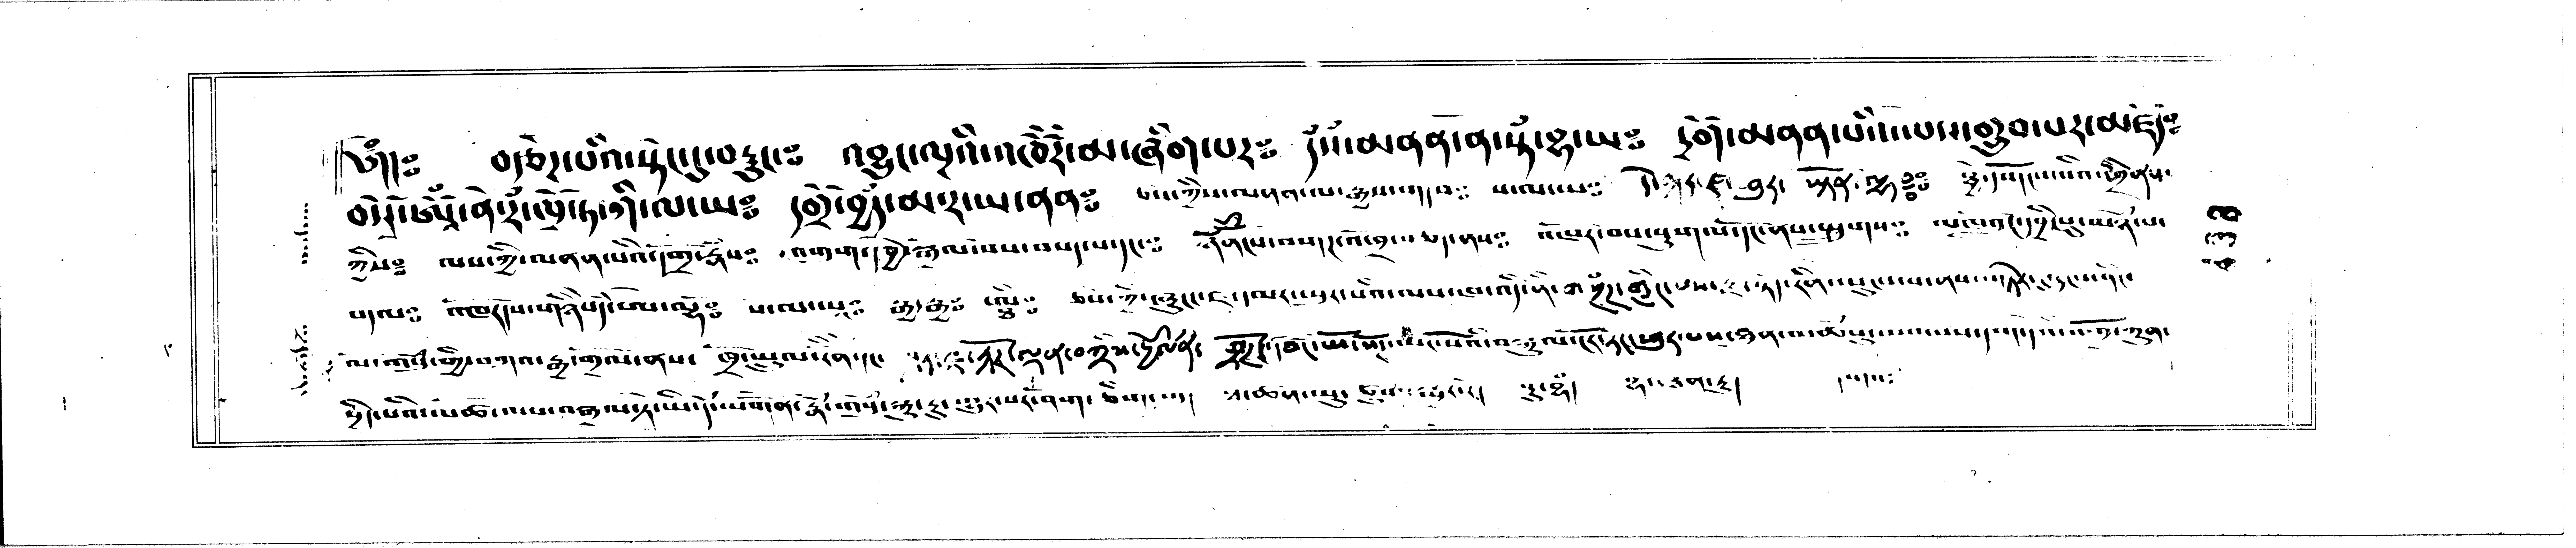བརྩེགས་པའི་སྟེང་དུ་བརྡུང་༔འབྱུང་ལྔའི་འཁོར་ལོ་མ་ཞིག་བར༔དམ་ཉམས་མནན་ནོ་སྟཾ་བྷ་ཡ༔དྲག་པོ་མནན་པའི་ལས་གྲུབ་པར་མཛོད༔
བསྭོ་ཨཱོཾ་ནེ་རཾ་ཁྲོ་ཏ་ཀི་ལ་ཡ༔དགྲ་བོ་བྱད་མ་མ་ར་ཡ་ནན༔ཅེས་ཀྱིས་མནན་ལ་རྒྱས་གདབ༔ ས་མ་ཡ༔ དེ་ལྟར་ཛྭ་ཕུར་ཡོན་ཏན་ལྷ༔༔ ཐུགས་རྗེས་དགོངས་པའི་ཕྲིན་ལས་
ཀྱིས༔ལས་ཀྱི་མནན་པའི་དགྲ་བོ་རྣམས༔འགུག་དབྱེ་སྒྲོལ་བས་བསད་པ་དང་༔ཉོན་མོངས་བག་ཆགས་འཕྲོ་བཅད་ནས༔འཁོར་བས་སྡུག་བསྔལ་དོང་ནས་སྤྲུགས༔མཁའ་ཀློང་དབྱིངས་སུ་མཉམ་པ་
བདལ༔འཁོར་འདས་གཉིས་མེད་ཨེ་མ་ཧོ༔ས་མ་ཡཱ༔རྒྱ་རྒྱ༔ཨྠི༔ཅེས་ཀྱིས་ཞང་ཞུང་ཛྭ་དམར་ཕུར་པའི་ལས་ཁ་འདི་ནི་གསང་སྔགས་གླིང་པས་རྫ་སྟོད་རིན་སྤུངས་པ་ནས་གཏེར་དུ་དྲངས་ཤིང་
ལོ་གསུམ་གྱི་བཀའ་རྒྱ་གྲོལ་ནས་ཁྲོ་སྤྲུལ་རིན་ཆེན་དང་ཤར་རྫ་རྟོགས་ལྡན་བཀྲིས་རྒྱལ་མཚན་གྲོགས་དབང་མོ་སོགས་མང་པོས་བསྐུལ་ངོར་རང་ཕུར་པའི་ཐུན་མཚམས་སུ་ཕབ་པས་དགེ་དེའི་འགྲོ་ཀུན་
སྲིད་པའི་མཚོ་ལས་བསྒྲལ་ཏེ་ཡི་དམ་མགོན་པོ་རྣམ་གསུམ་སྐུ་རུ་གྱུར་པར་ཤོག་ཅིག་གུ། ཐ་ཚན་སུ་ཙུག་སྨྲར་རོ། ཤུ་བྷཾ། བྷག་ཝན་ཏུ།དགེའོ། །